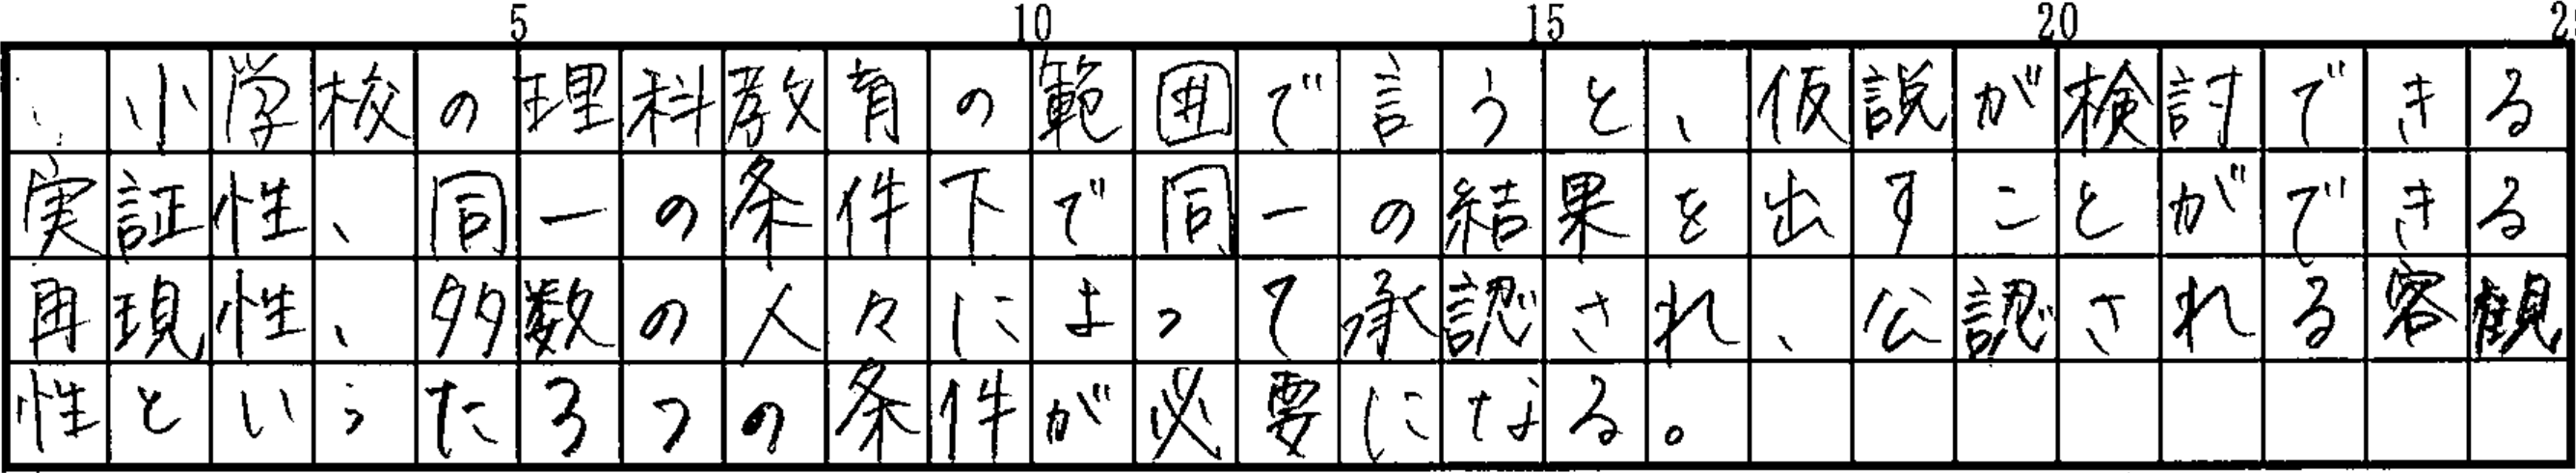　小学校の理科教育の範囲で言うと、仮説が検討できる実証性、同一の条件下で同一の結果を出すことができる再現性、多数の人々によって承認され、公認される客観性といった３つの条件が必要になる。
